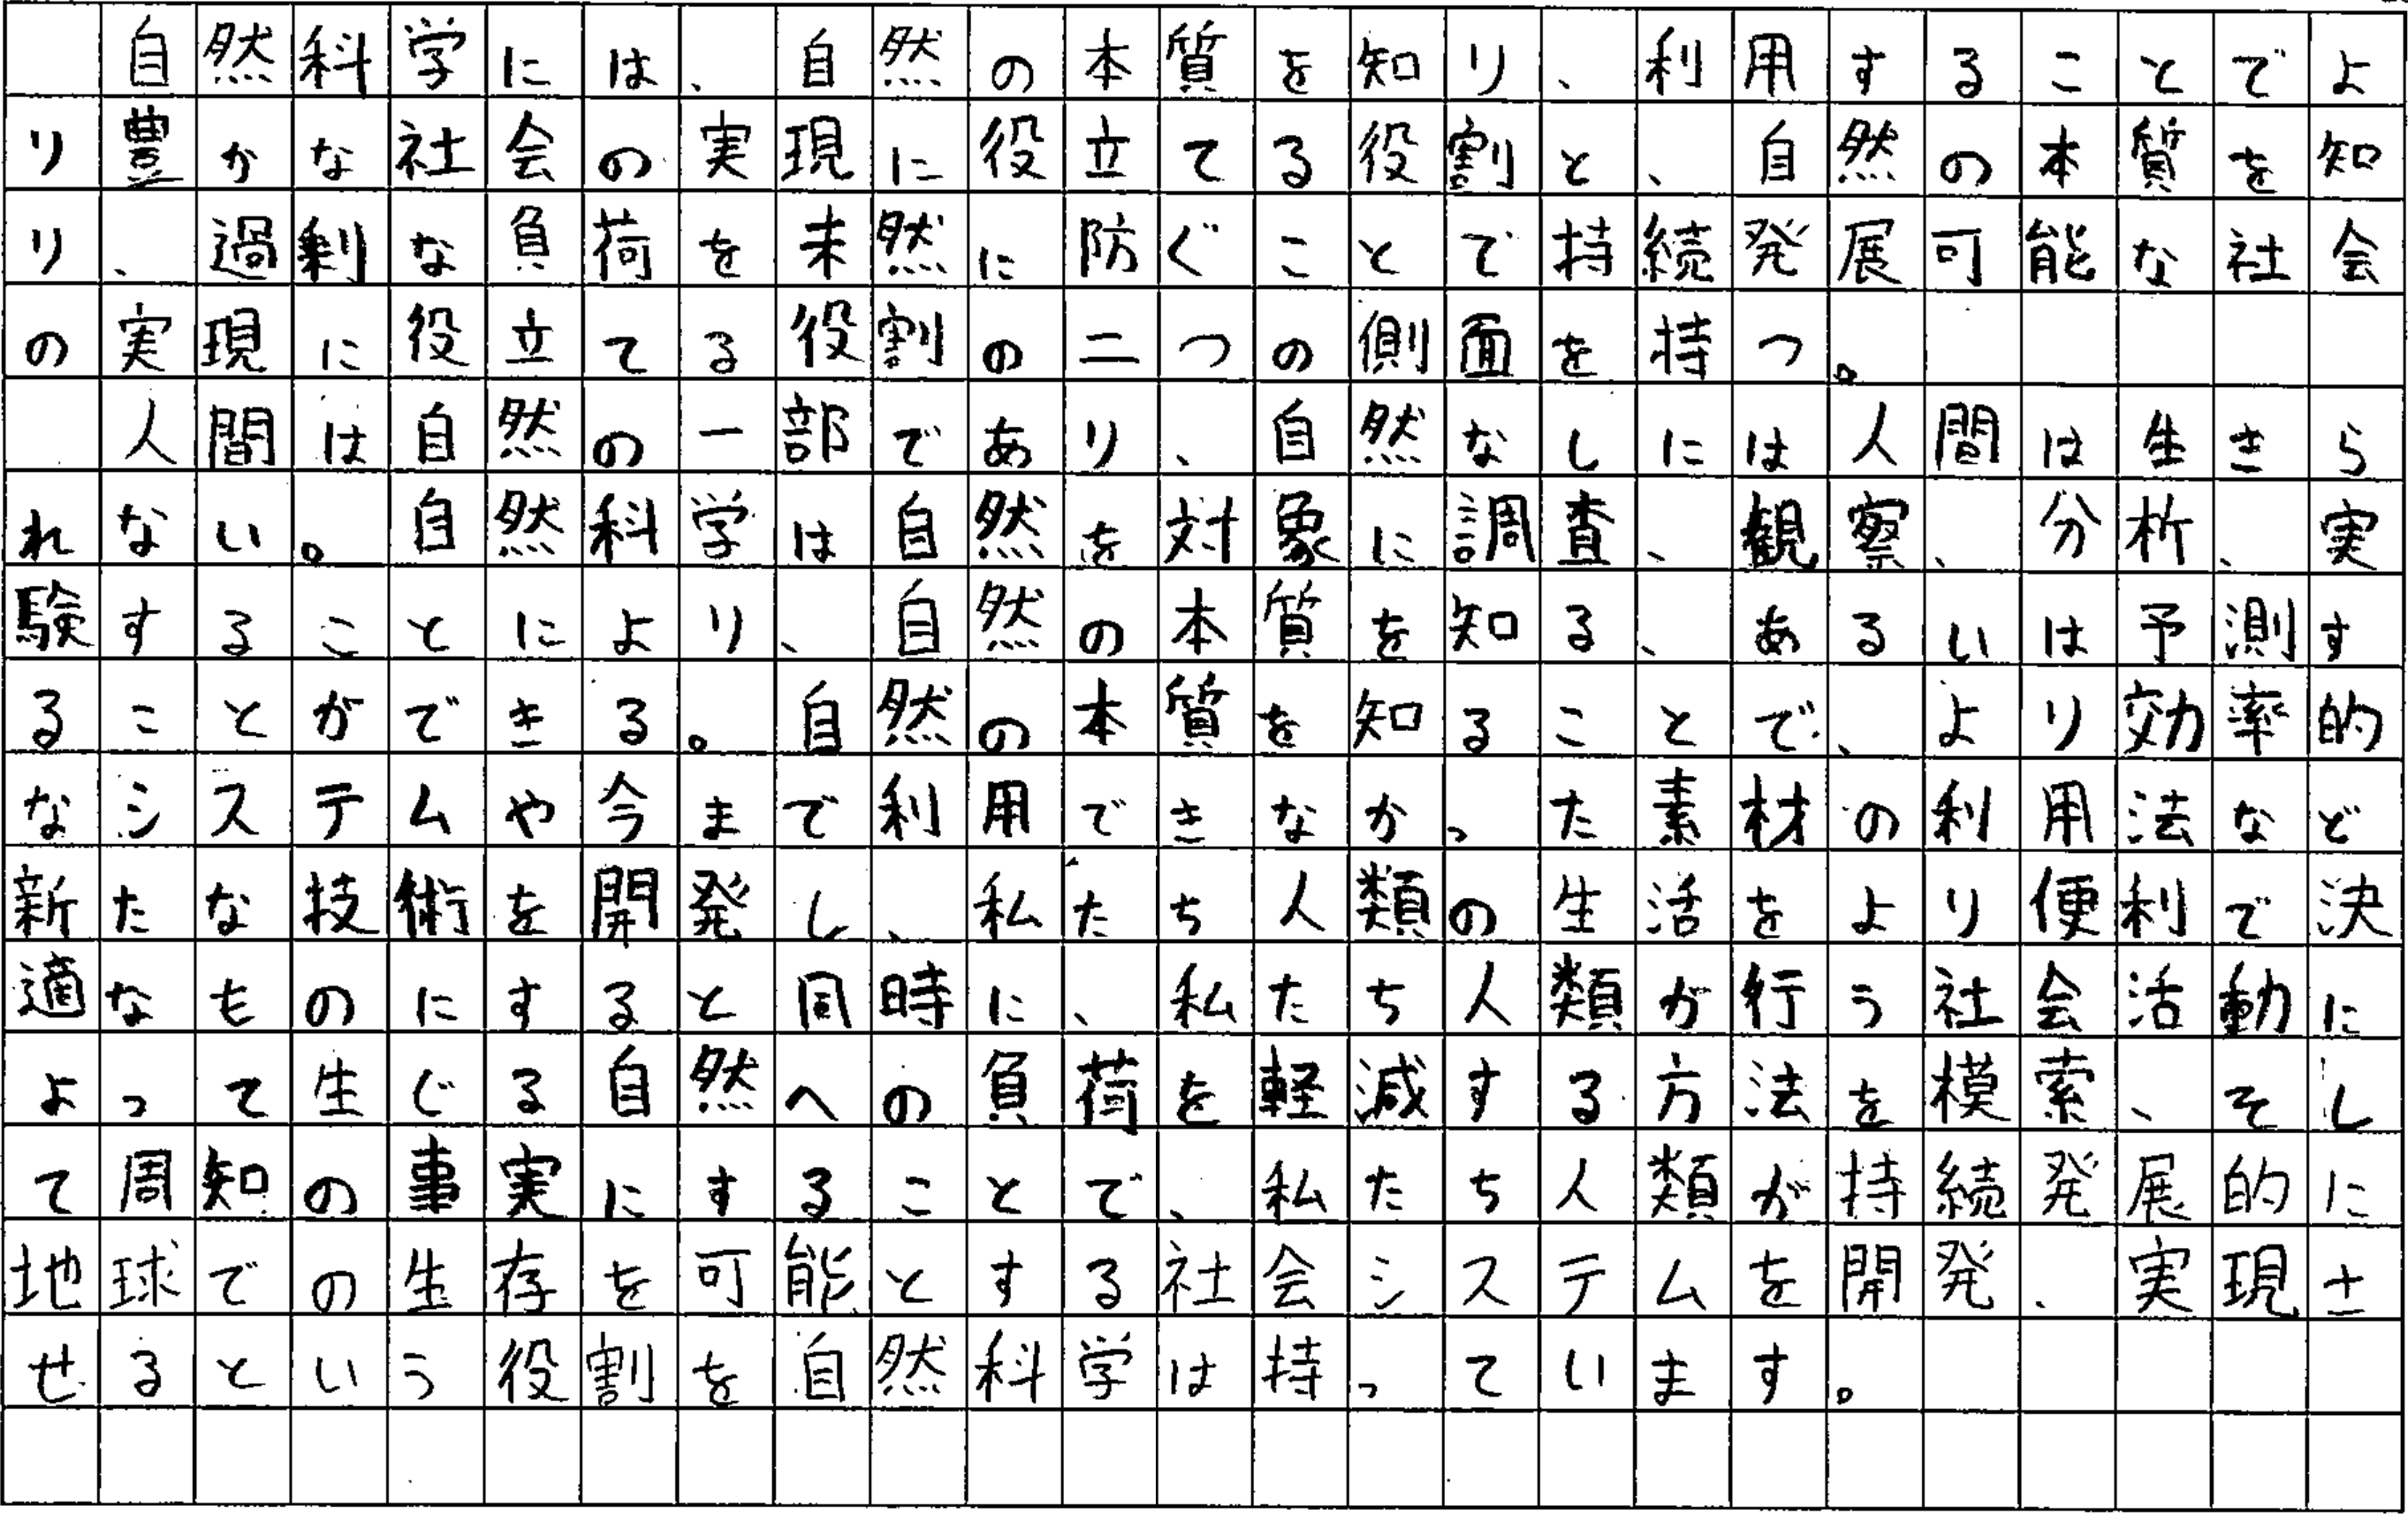　自然科学には、自然の本質を知り、利用することでより豊かな社会の実現に役立てる役割と、自然の本質を知り、過剰な負荷を未然に防ぐことで持続発展可能な社会の実現に役立てる役割の二つの側面を持つ。
　人間は自然の一部であり、自然なしには人間は生きられない。自然科学は自然を対象に調査、観察、分析、実験することにより、自然の本質を知る、あるいは予測することができる。自然の本質を知ることで、より効率的なシステムや今まで利用できなかった素材の利用法など新たな技術を開発し、私たち人類の生活をより便利で決適なものにすると同時に、私たち人類が行う社会活動によって生じる自然への負荷を軽減する方法を模索、そして周知の事実にすることで、私たち人類が持続発展的に地球での生存を可能とする社会システムを開発、実現させるという役割を自然科学は持っています。
